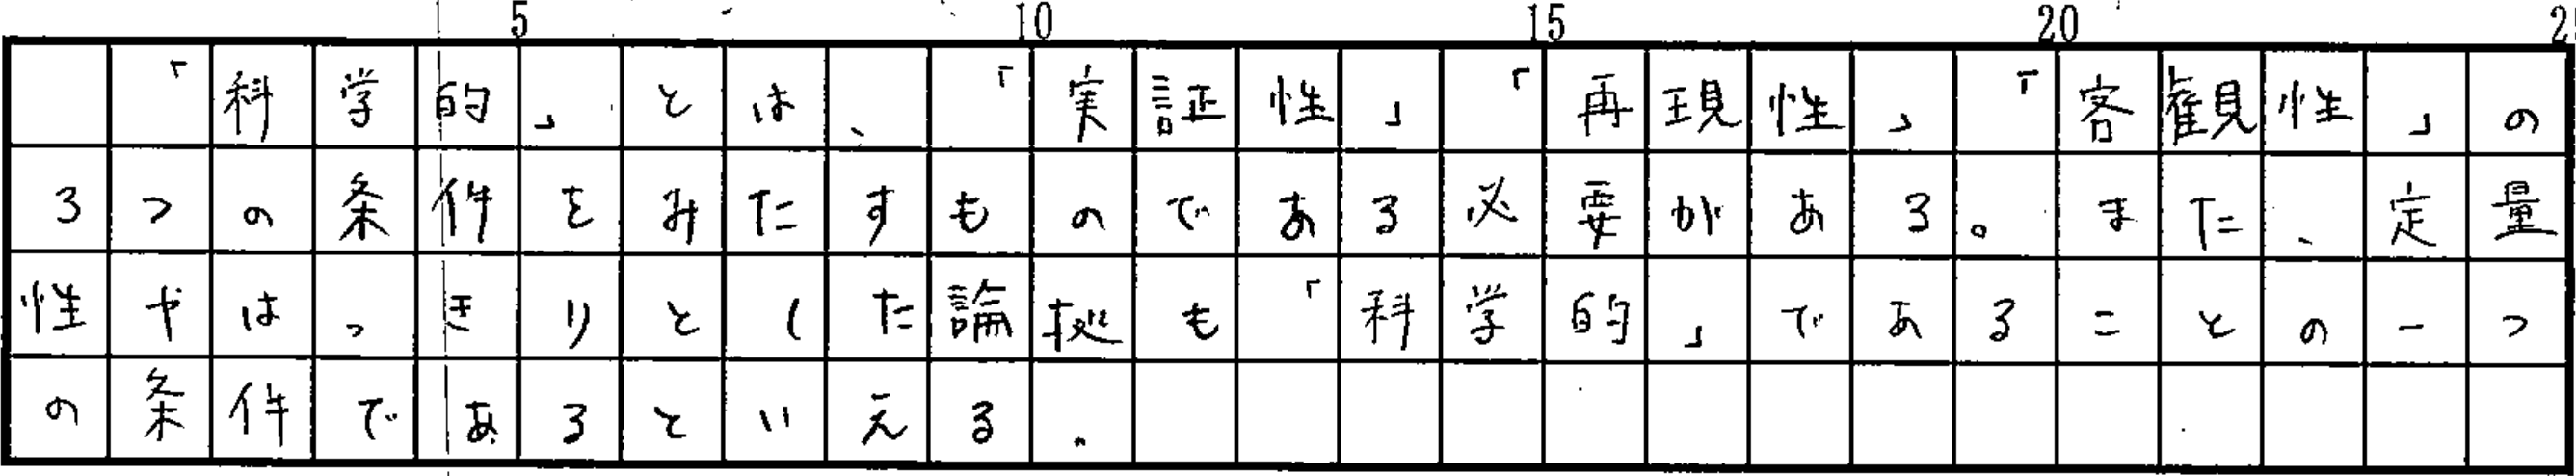　「科学的」とは、「実証性」「再現性」「客観性」の３つの条件をみたすものである必要がある。また、定量性やはっきりとした論拠も「科学的」であることの一つの条件であるといえる。
